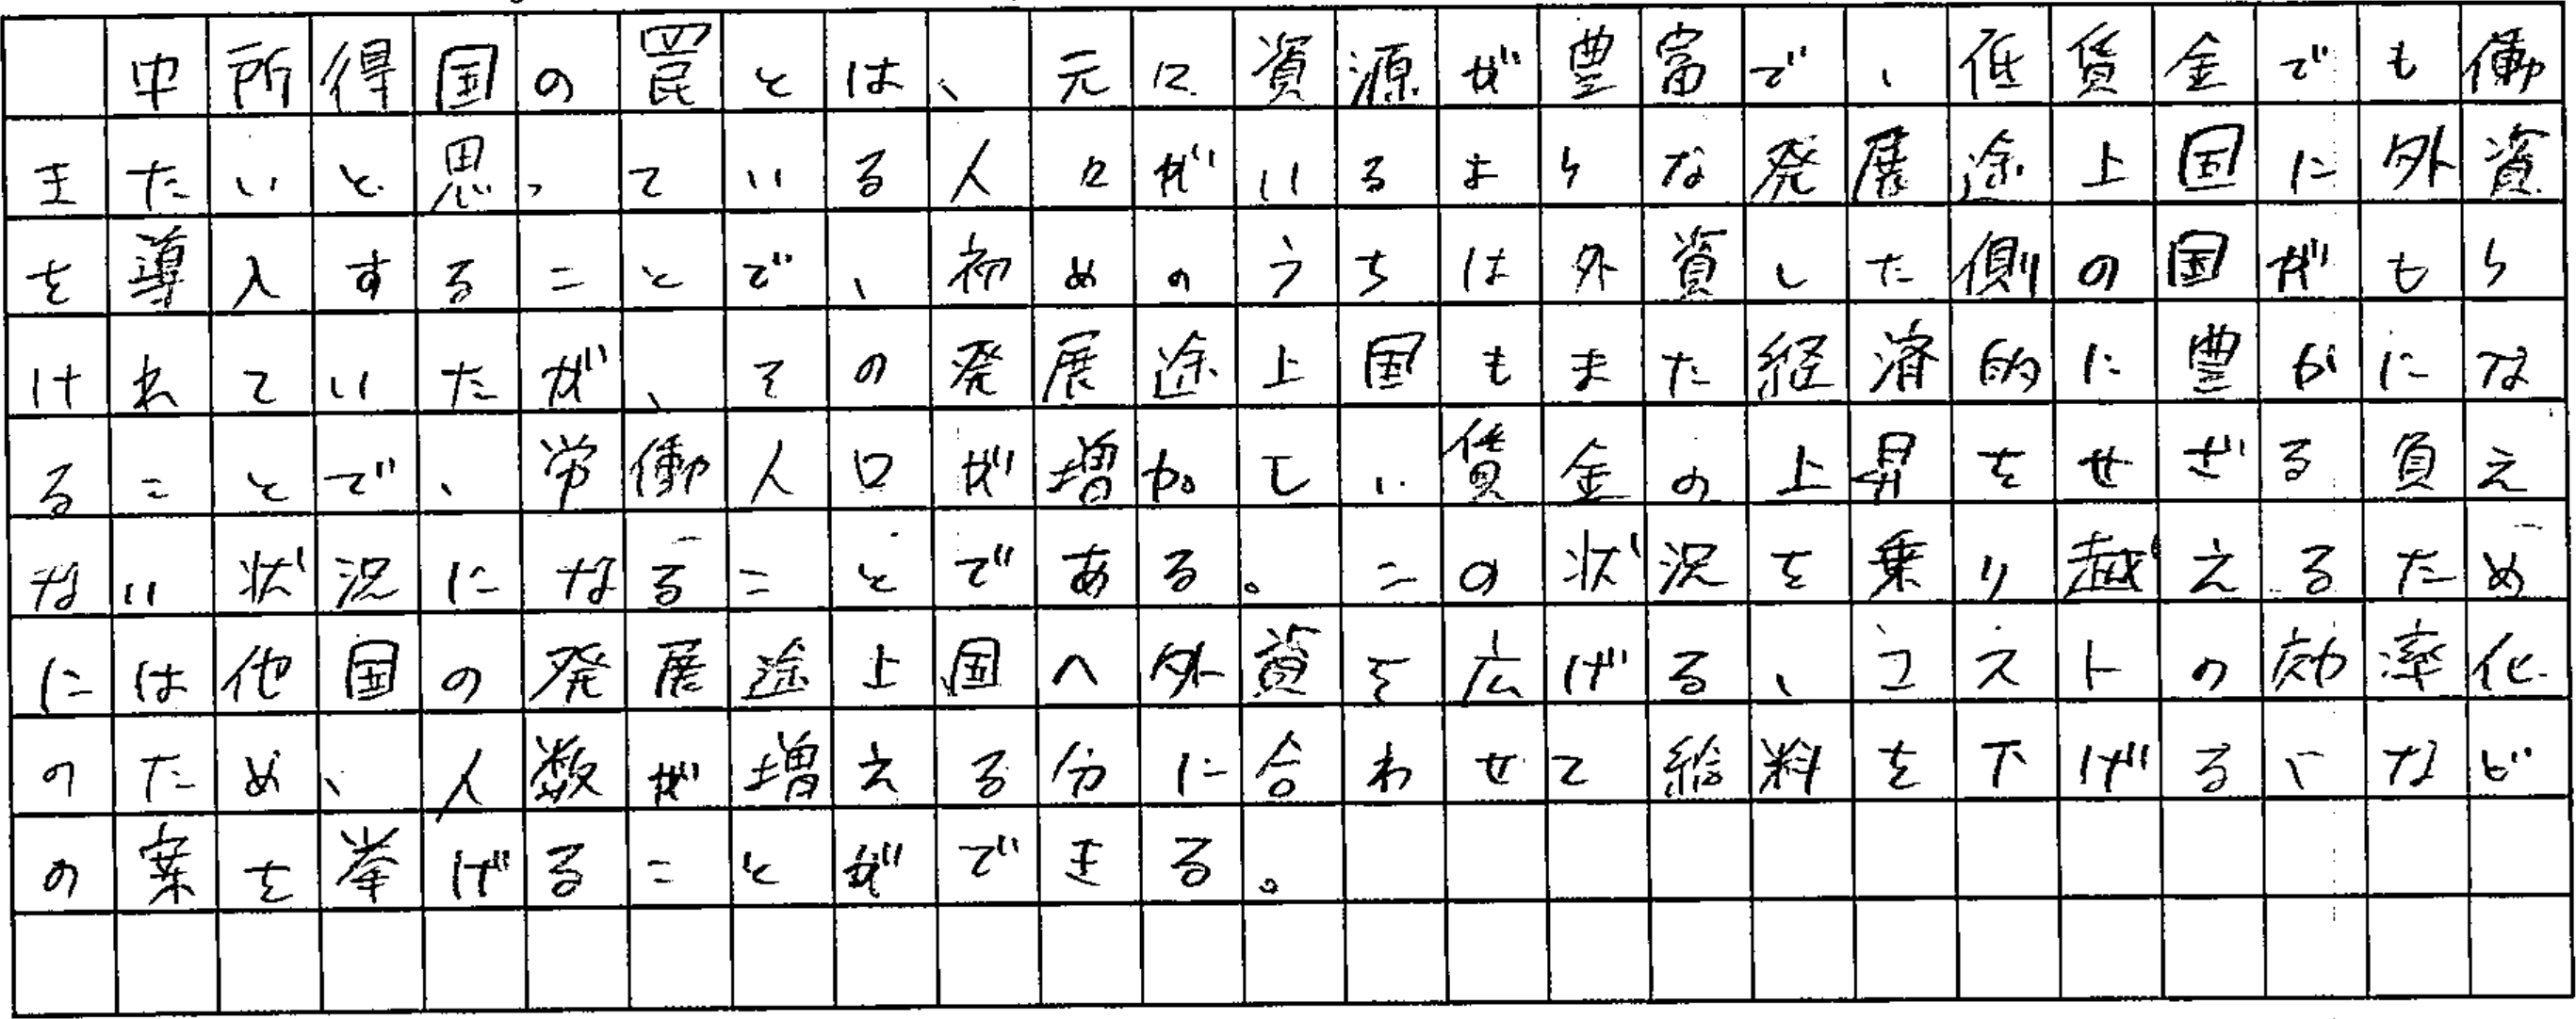　中国得国の罠とは、元々資源が豊富で、低賃金でも働きたいと思っている人々がいるような発展途上国に外資を導入することで、初めのうちは外資した側の国がもうけれていたが、その発展途上国もまた経済的に豊かになることで、労働人口が増加し、賃金の上昇をせざる負えない状況になることである。この状況を乗り越えるためには他国の発展途上国へ外資を広げる、コストの効率化のため、人数が増える分に合わせて給料を下げる、などの案を挙げることができる。
